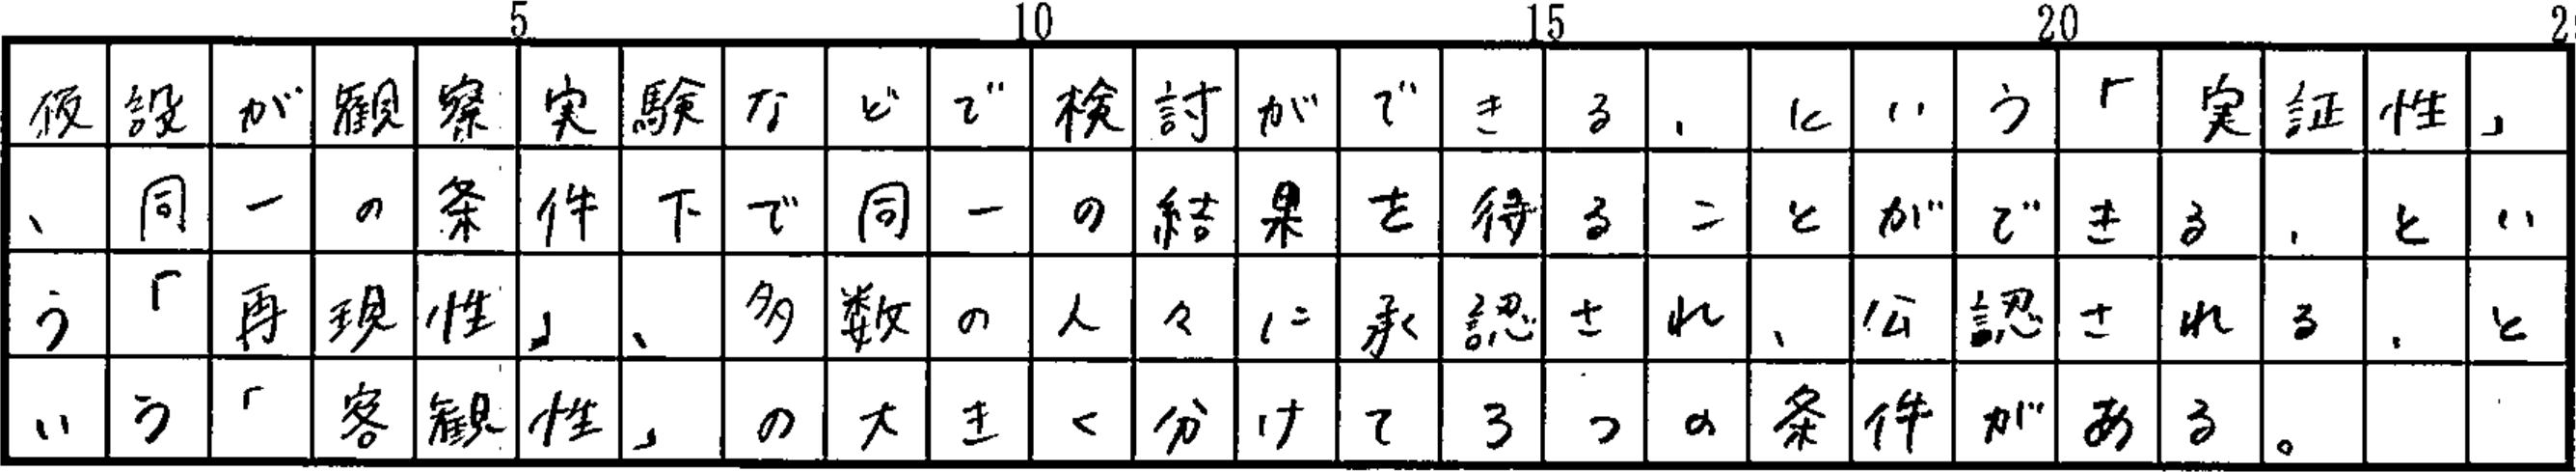仮設が観察実験などで検討ができる、という「実証性」、同一の条件下で同一の結果を得ることができる、という「再現性」、多数の人々に承認され、公認される、という「客観性」の大きく分けて３つの条件がある。
